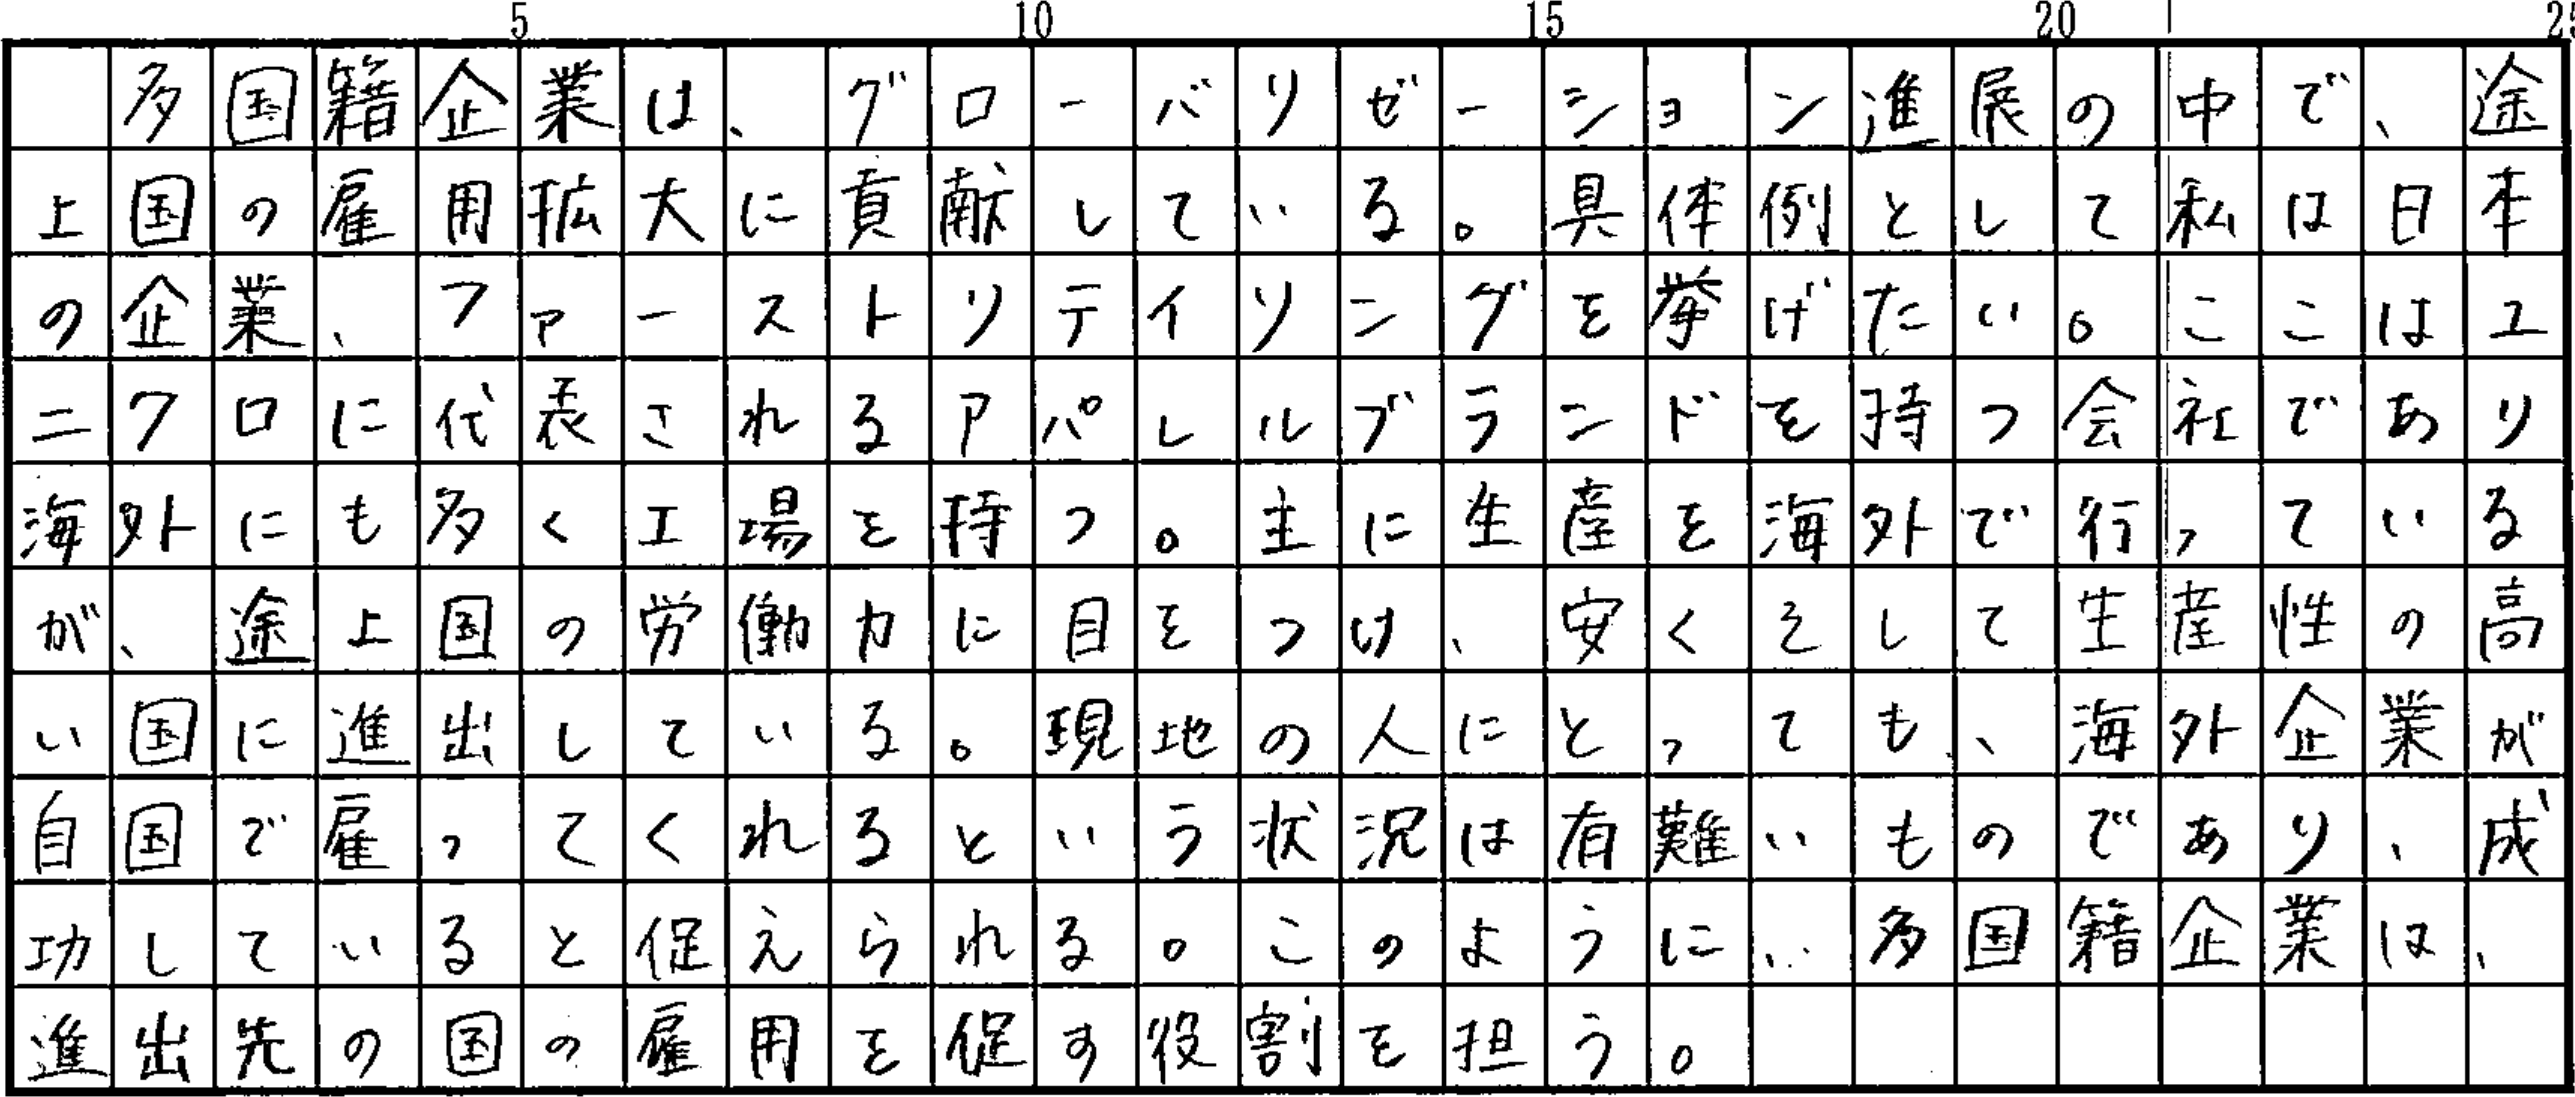　多国籍企業は、グローバリゼーション進展の中で、途上国の雇用拡大に貢献している。具体例として私は日本の企業、ファーストリテイリングを挙げたい。ここはユニクロに代表されるアパレルブランドを持つ会社であり海外にも多く工場を持つ。主に生産を海外で行っているが、途上国の労働力に目をつけ、安くそして生産性の高い国に進出している。現地の人にとっても、海外企業が自国で雇ってくれるという状況は有難いものであり、成功していると促えられる。このように、多国籍企業は、進出先の国の雇用を促す役割を担う。
